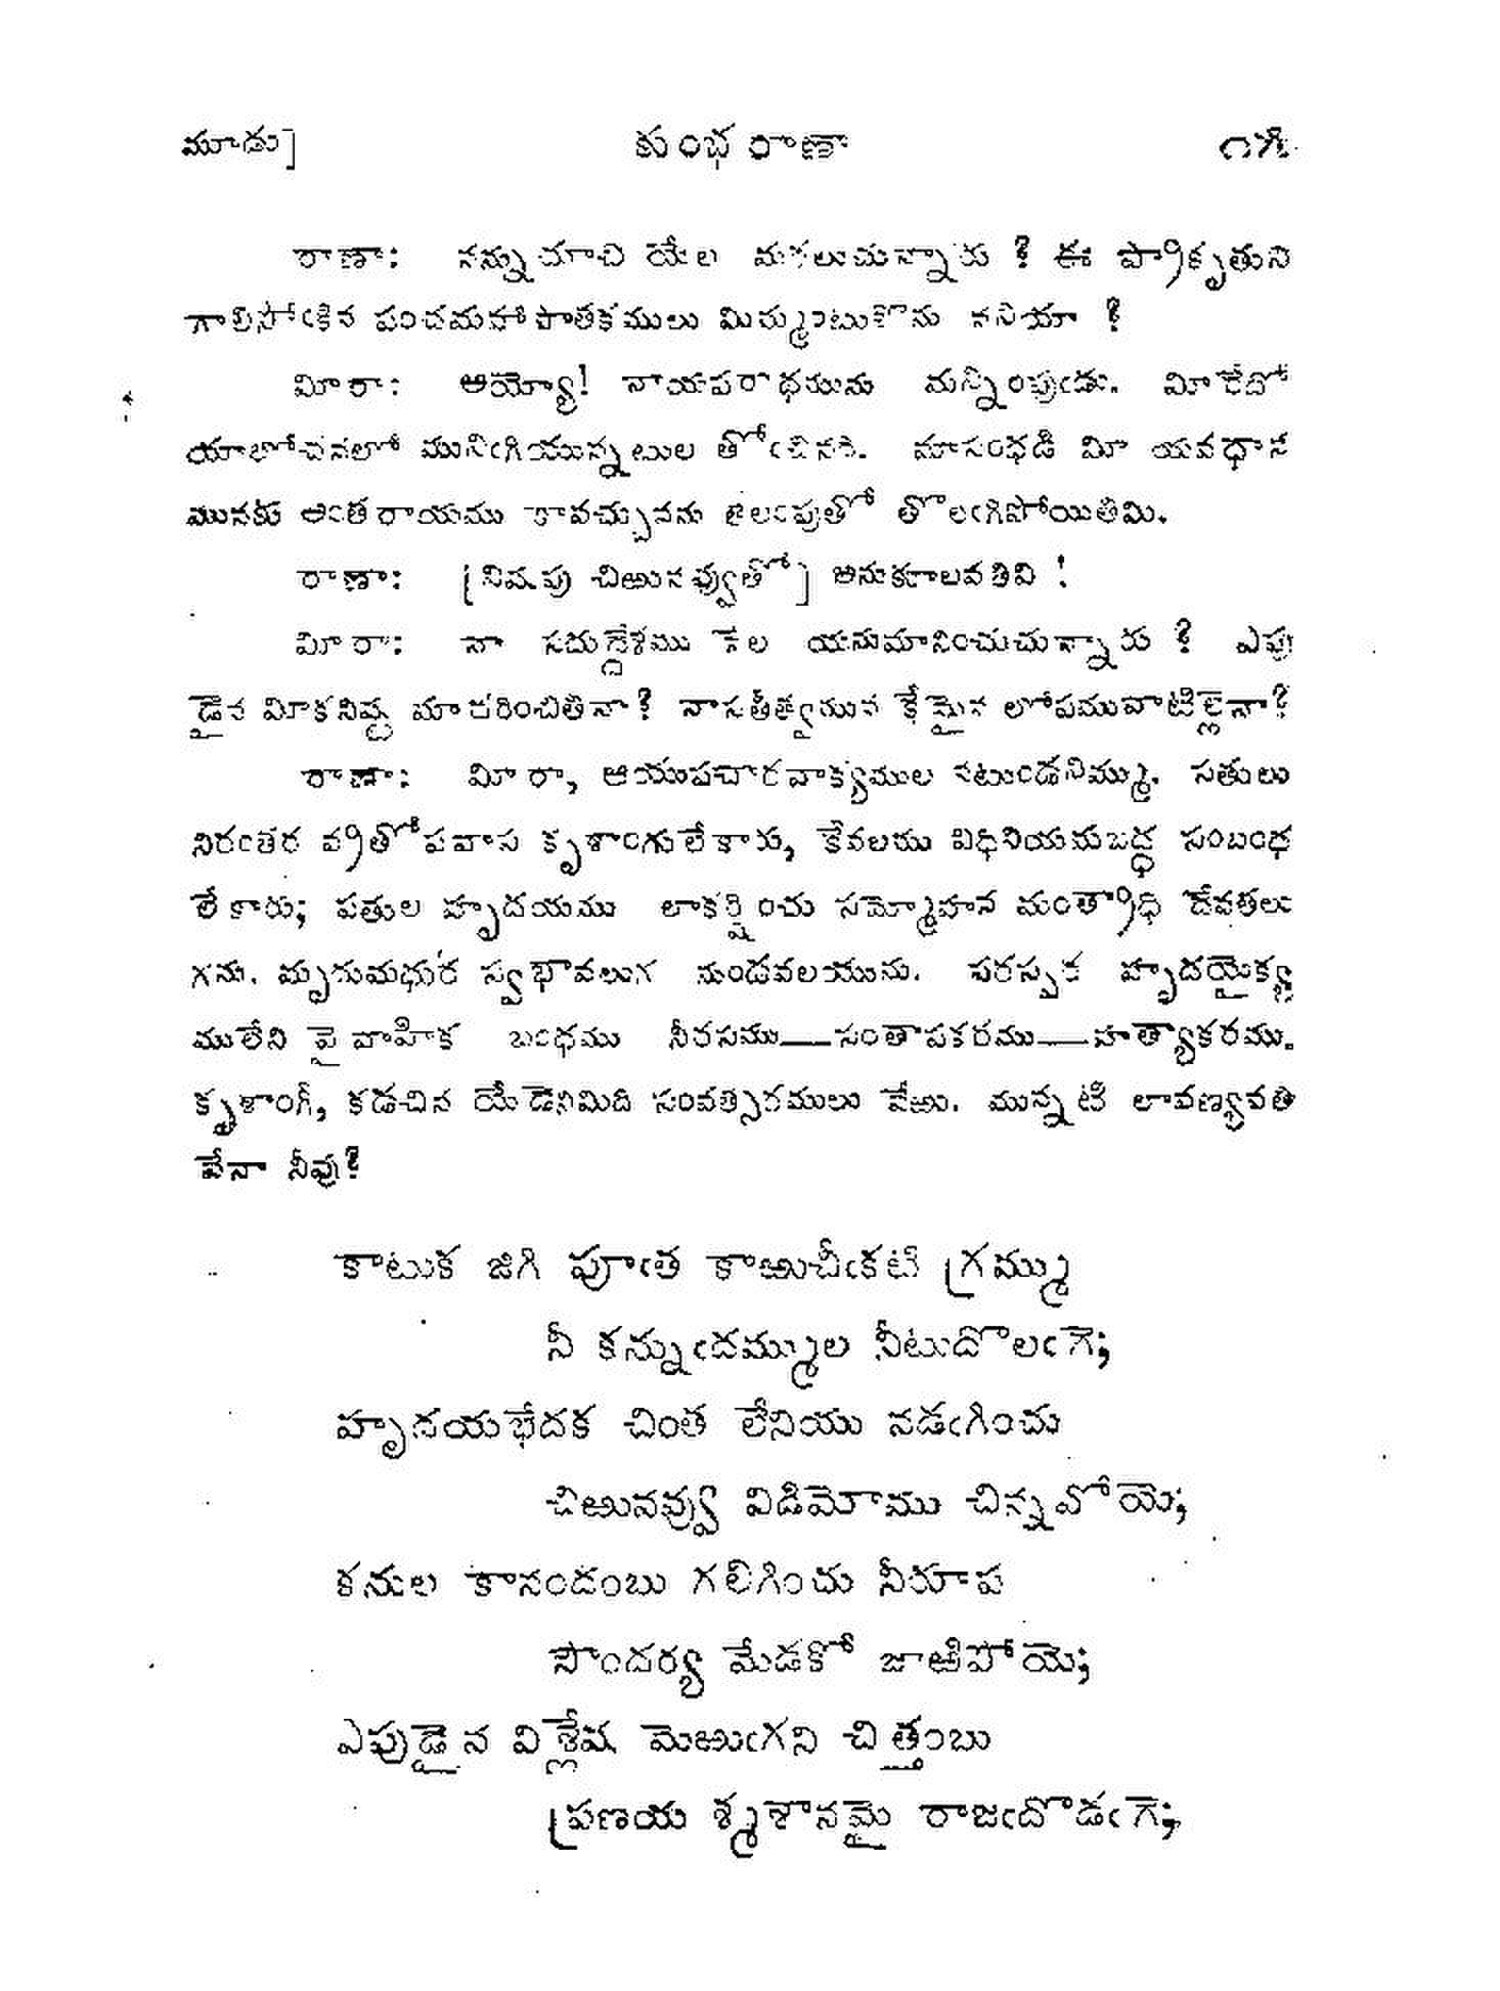రాణా : నన్నుచూచి యేల మరలుచున్నారు ? ఈ ప్రాకృతుని గాలిసోఁకిన పంచమహాపాతకములు మిమ్మంటుకొను ననియా ?

మీరా : అయ్యో! నాయపరాధమును మన్నింపుఁడు. మీరేదో యాలోచనలో మునిఁగియున్నటుల తోఁచినది. మాసందడి మీ యవధానమునకు అంతరాయము కావచ్చునను తలంపుతో తొలఁగిపోయితిమి.

రాణా : [విషపు చిఱునవ్వుతో] అనుకూలవతివి !

మీరా : నా సదుద్దేశము నేల యనుమానించుచున్నారు ? ఎపుడైన మీకనిష్ట మాచరించితినా ? నాసతీత్వమున కేమైన లోపమువాటిల్లెనా?

రాణా : మీరా, ఆయుపచారవాక్యముల నటుండనిమ్ము. సతులు నిరంతర వ్రతోపవాస కృశాంగులేకారు, కేవలము విధినియమబద్ధ సంబంధ లేకారు; పతుల హృదయము లాకర్షించు సమ్మోహన మంత్రాధి దేవతలు గను. మృదుమధుర స్వభావలుగ నుండవలయును. పరస్పర హృదయైక్యములేని వైవాహిక బంధము నీరసము - సంతాపకరము - హత్యాకరము. కృశాంగీ, కడచిన యేడెనిమిది సంవత్సరములు వేఱు. మున్నటి లావణ్యవతి వేనా నీవు ?

 కాటుక జిగి పూఁత కాఱుచీఁకటి గ్రమ్ము
 నీ కన్నుఁదమ్ముల నీటుదొలఁగె;
 హృదయభేదక చింత లేనియు నడఁగించు
 చిఱునవ్వు విడిమోము చిన్నవోయె;
 కనుల కానందంబు గలిగించు నీరూప
 సౌందర్య మేడకో జాఱిపోయె;
 ఎపుడైన విశ్లేష మెఱుఁగని చిత్తంబు
 ప్రణయ శ్మశానమై రాజఁదొడఁగె;